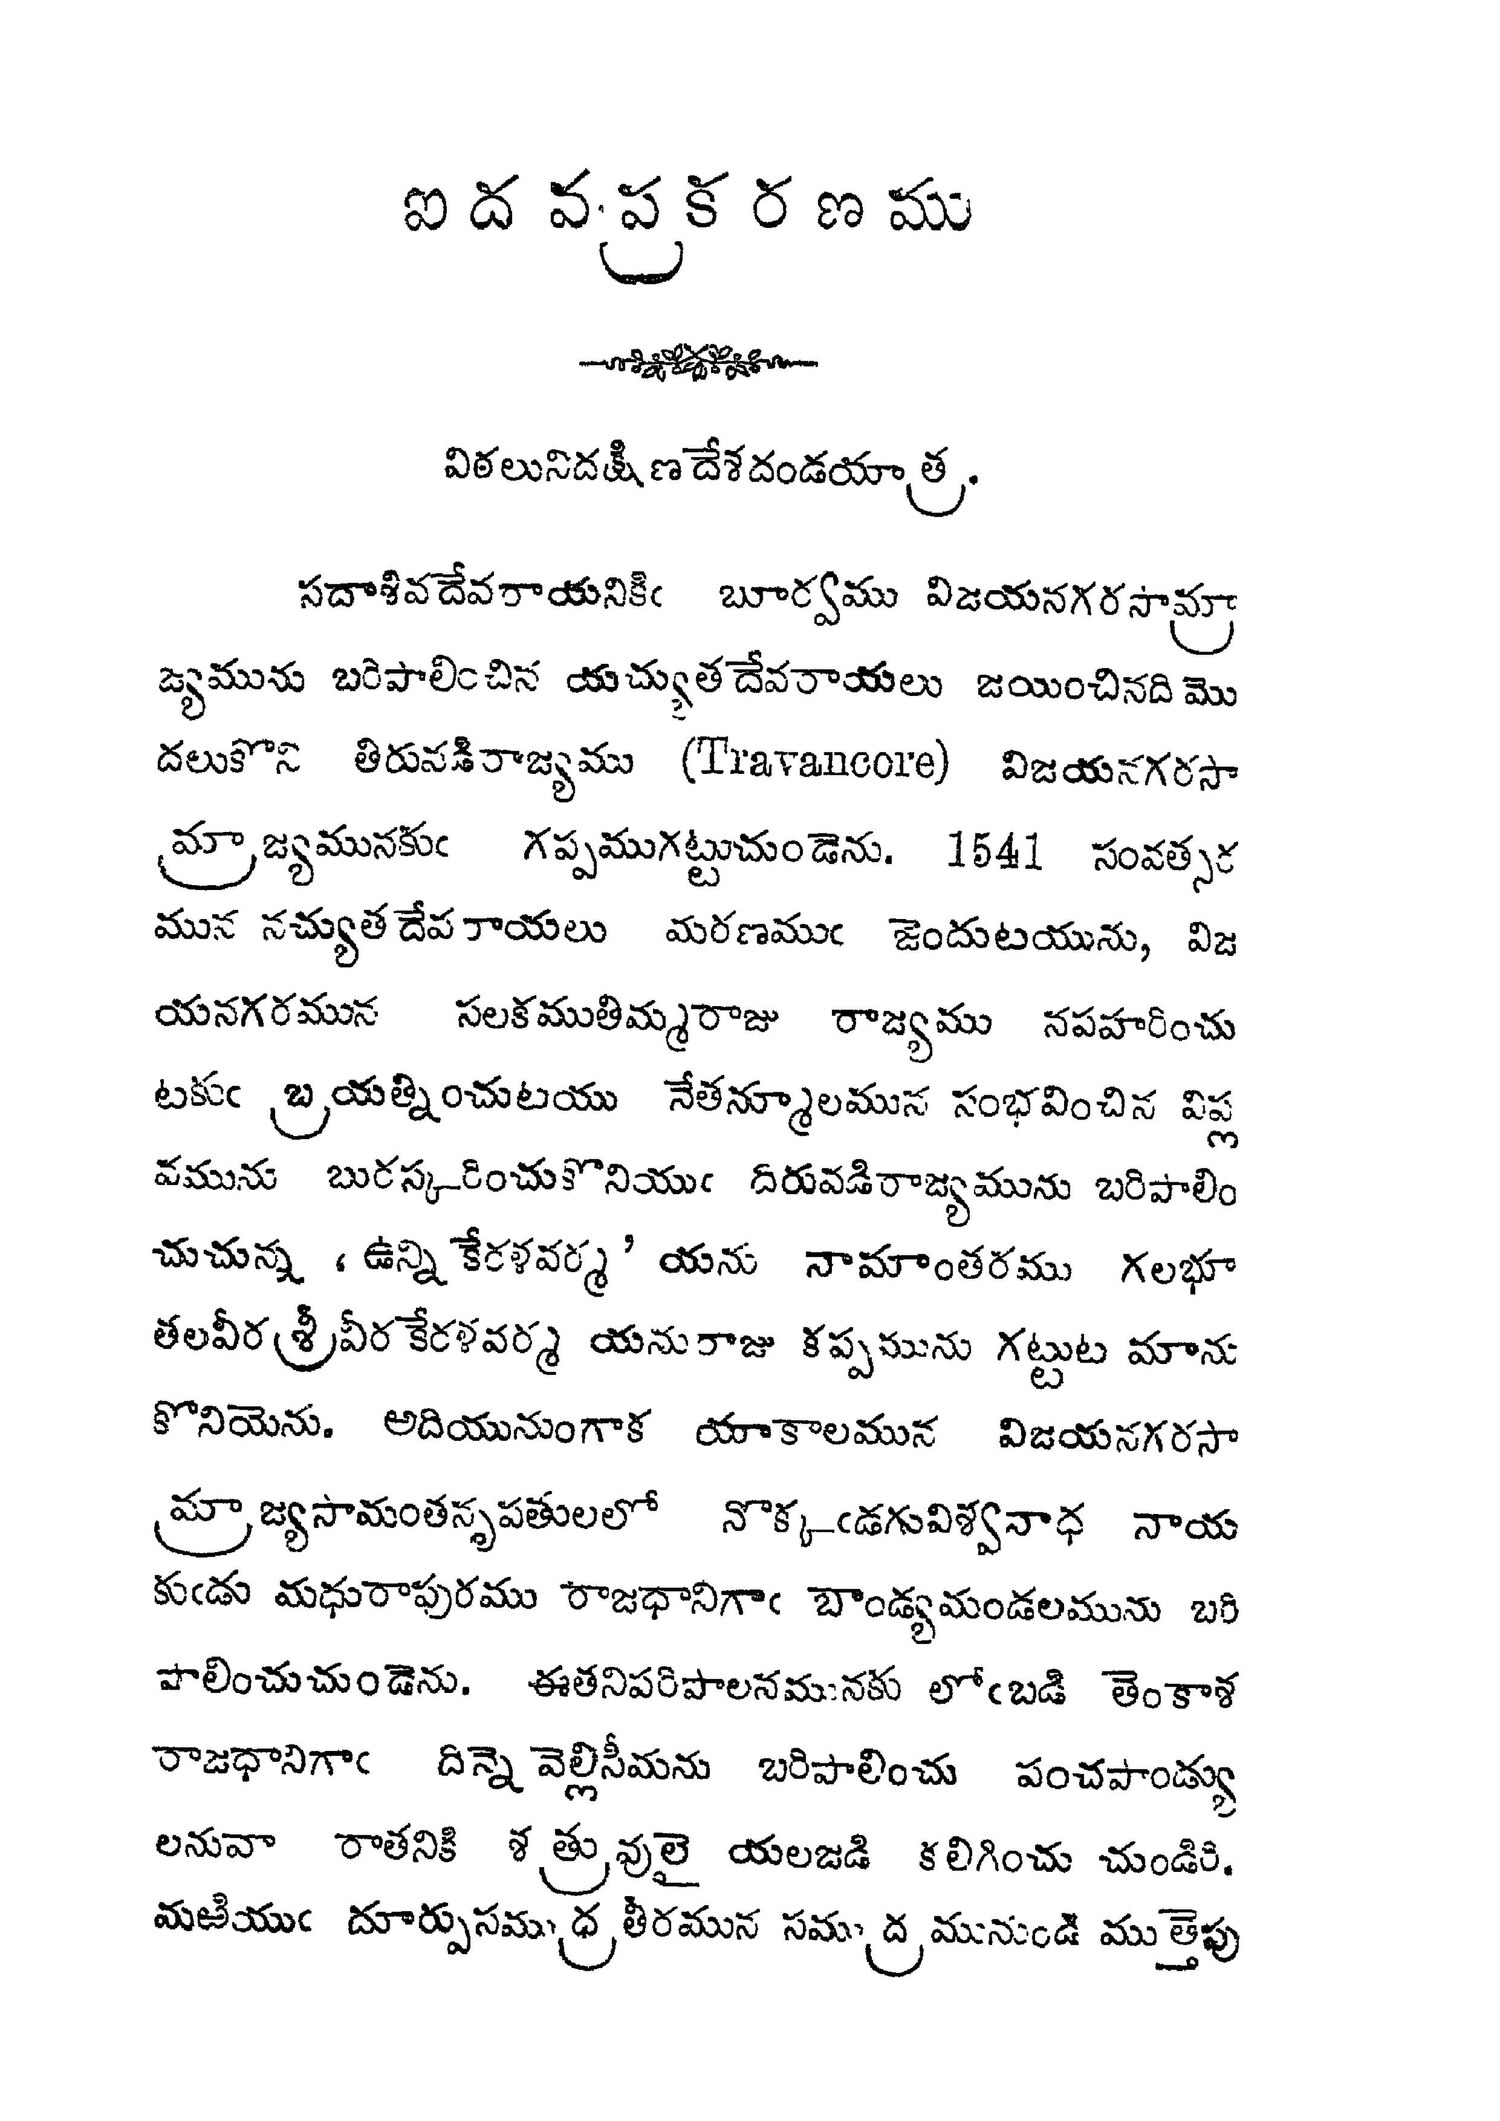సదాశివదేవరాయనికి బూర్వము విజయనగరసామ్రాజ్యమును బరిపాలించిన యచ్యుతదేవరాయలు జయించినది మొదలుకొని తిరువడిరాజ్యము (Travancore) విజయనగరసామ్రాజ్యమునకు గప్పముగట్టుచుండెను. 1541 సంవత్సరమున నచ్యుతదేవరాయలు మరణము జెందుటయును, విజయనగరమున సలకముతిమ్మరాజు రాజ్యము నపహరించుటకు బ్రయత్నించుటయు నేతన్మూలమున సంభవించిన విప్లవమును బురస్కరించుకొనియు దిరువడిరాజ్యమును బరిపాలించుచున్న 'ఉన్నికేరళవర్మ' యను నామాంతరము గలభూతలవీరశ్రీవీరకేరళవర్మ యనురాజు కప్పమును గట్టుట మానుకొనియెను. అదియునుంగాక యాకాలమున విజయనగరసామ్రాజ్యసామంతనృపతులలో నొక్కడగువిశ్వనాధ నాయకుడు మధురాపురము రాజధానిగా బాండ్యమండలమును బరిపాలించు చుండెను. ఈతనిపరిపాలనమునకు లోబడి తెంకాశ రాజధానిగా దిన్నెవెల్లిసీమను బరిపాలించు పంచపాండ్యులనువా రాతనికి శత్రువులై యలజడి కలిగించు చుండిరి. మఱియు దూర్పుసముద్ర తీరమున సముద్రమునుండి ముత్తెపు